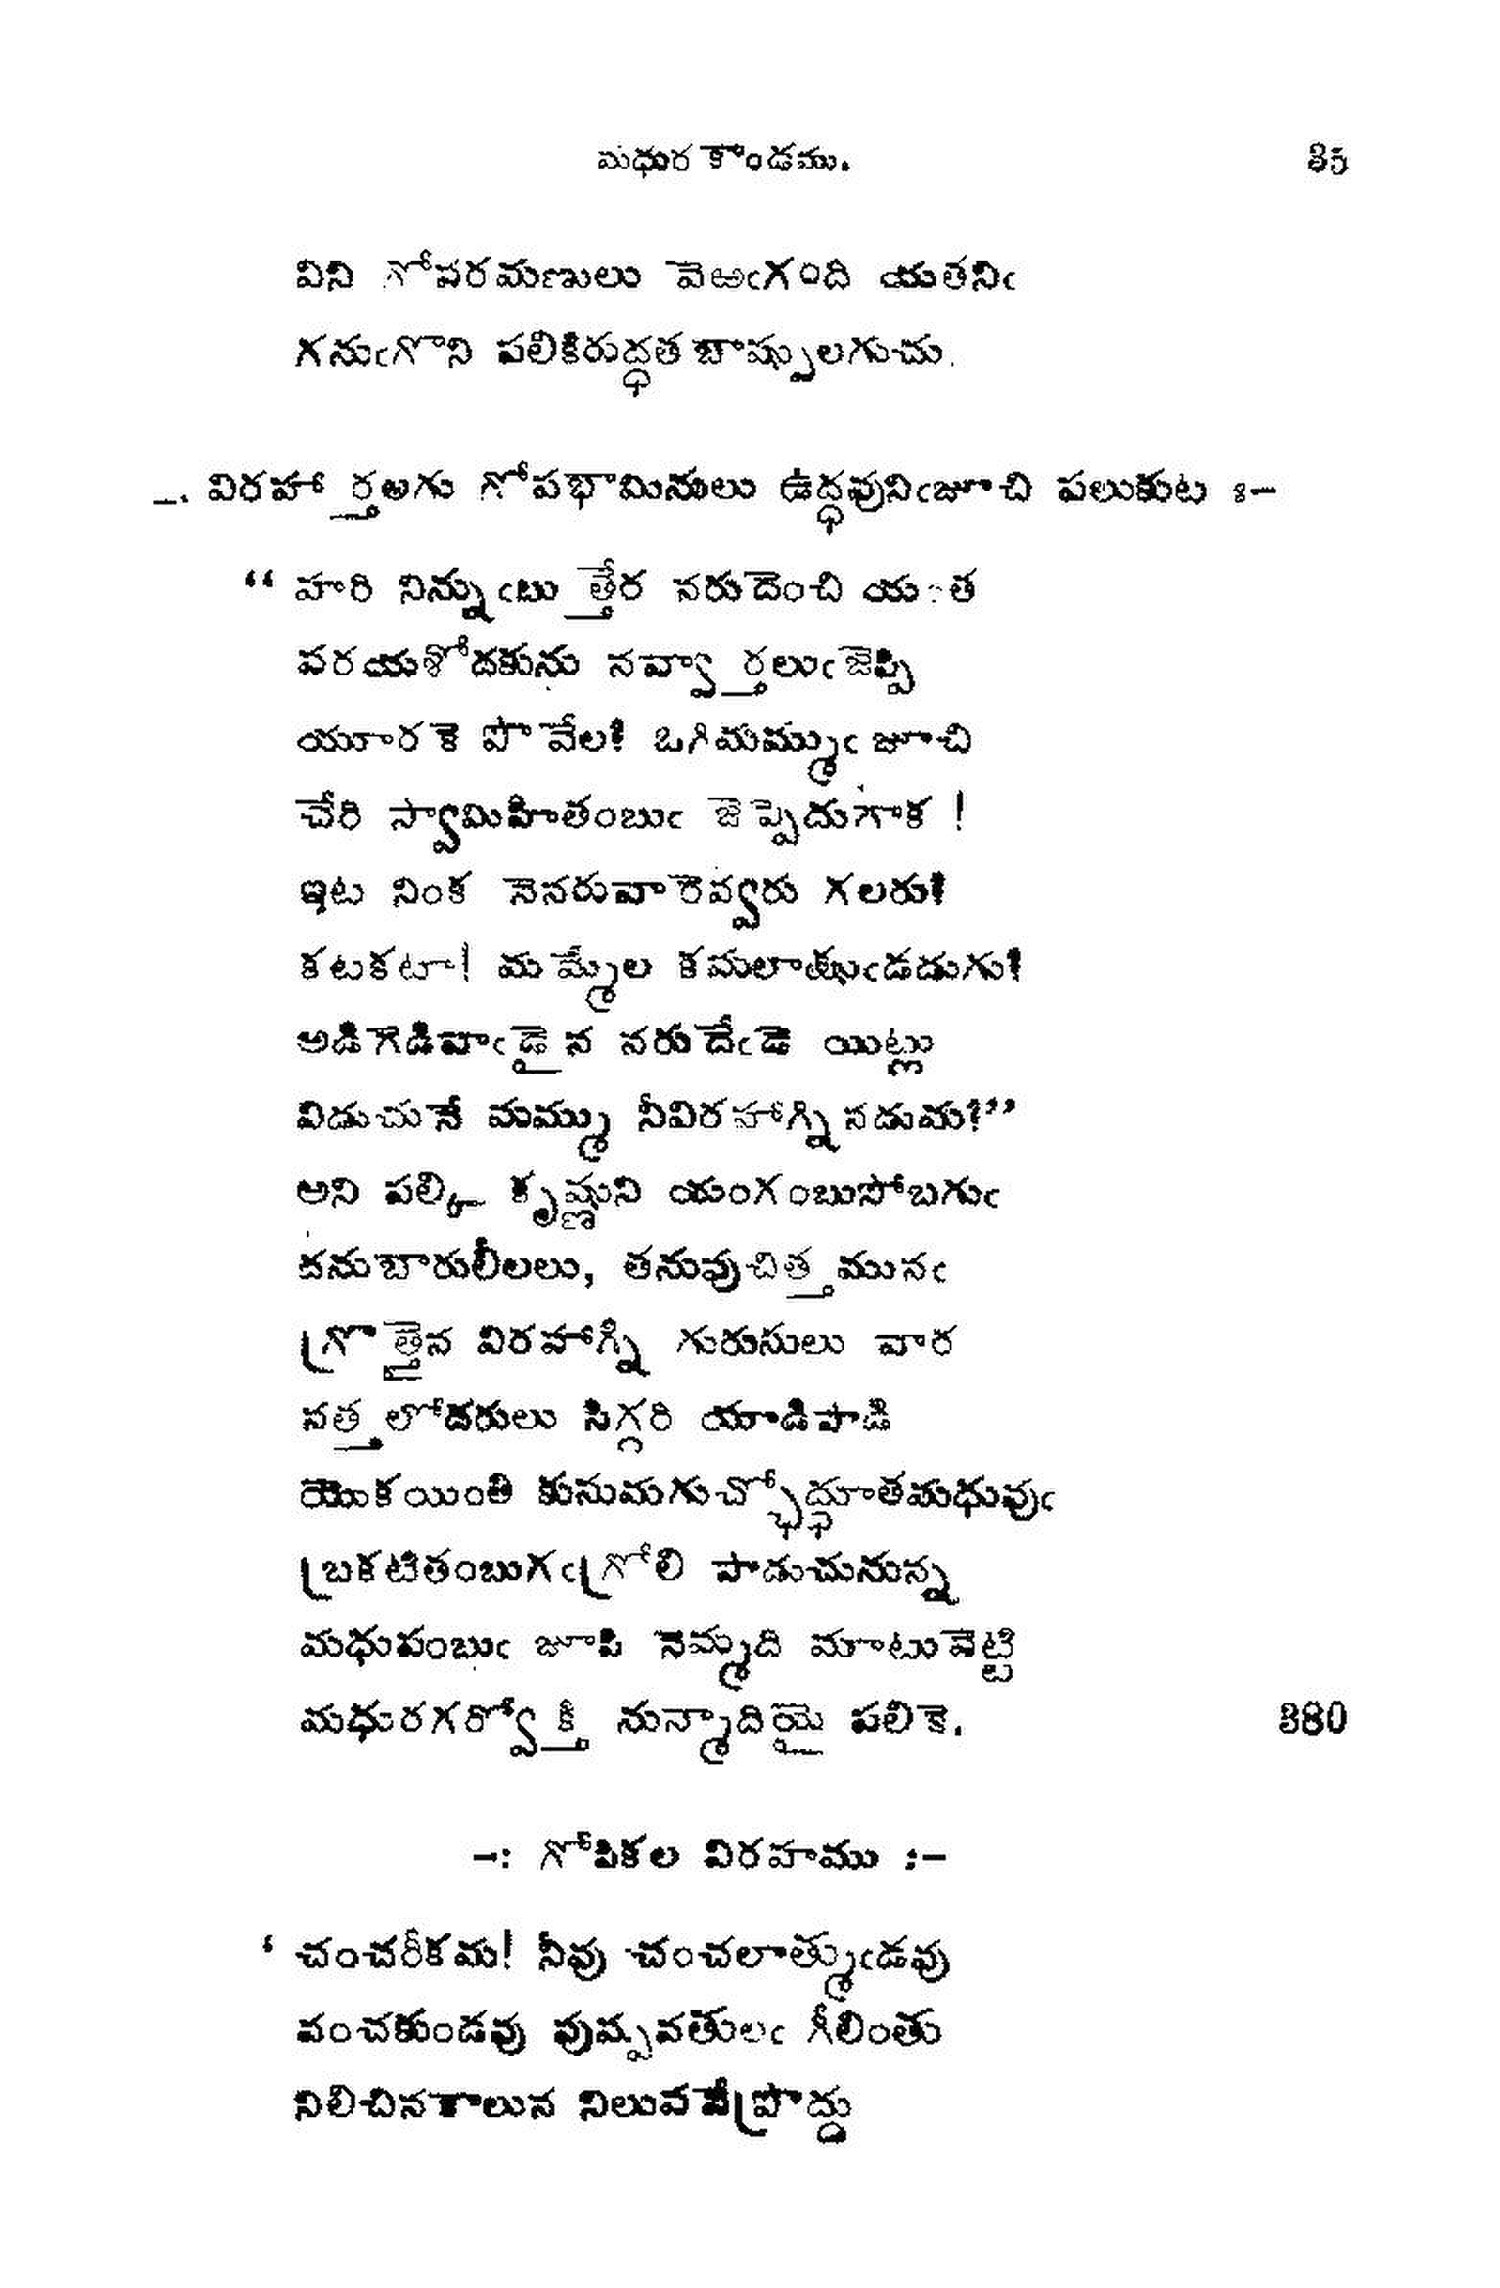విని గోవరమణులు వెఱఁగంది యతనిఁ
గనుఁగొని పలికి రుద్ధతబాష్పు లగుచు,

“హరి నిన్నుఁ బుత్తేర నరుదెంచి యంత
వరయశోదకును నవ్వార్తలుఁ జెప్పి
యూరకె పోవేల? ఒగి మమ్ముఁ జూచి
చేరి స్వామిహితంబుఁ జెప్పెదుగాక!
ఇట నింక నెనరువా రెవ్వరు గలరు?
కటకటా! మమ్మేల కమలాక్షుఁ డడుగు?
అడిగెడివాఁడైన నరుదేఁడె యిట్లు
విడుచునే మమ్ము నీవిరహాగ్నినడుమ?"
అని పల్కి కృష్ణుని యంగంబుసొబగుఁ
కనుబారులీలలు, తనువు చిత్తమునఁ
గ్రొత్తైన విరహాగ్ని గురుసులు వార
నత్తలోదరులు సిగ్గరి యాడిపాడి
యొకయింతి కుసుమగుచ్ఛోద్ధూతమధువుఁ
బ్రకటితంబుగఁ గ్రోలి పాడుచునున్న
మధుపంబుఁ జూపి నెమ్మది మాటువెట్టి
మధురగర్వోక్తి నున్మాదియై పలికె.

“చంచరీకమ! నీవు చంచలాత్ముఁడవు
వంచకుండవు పుష్పవతులఁ గీలింతు
నిలిచినకాలున నిలువ వేప్రొద్దు